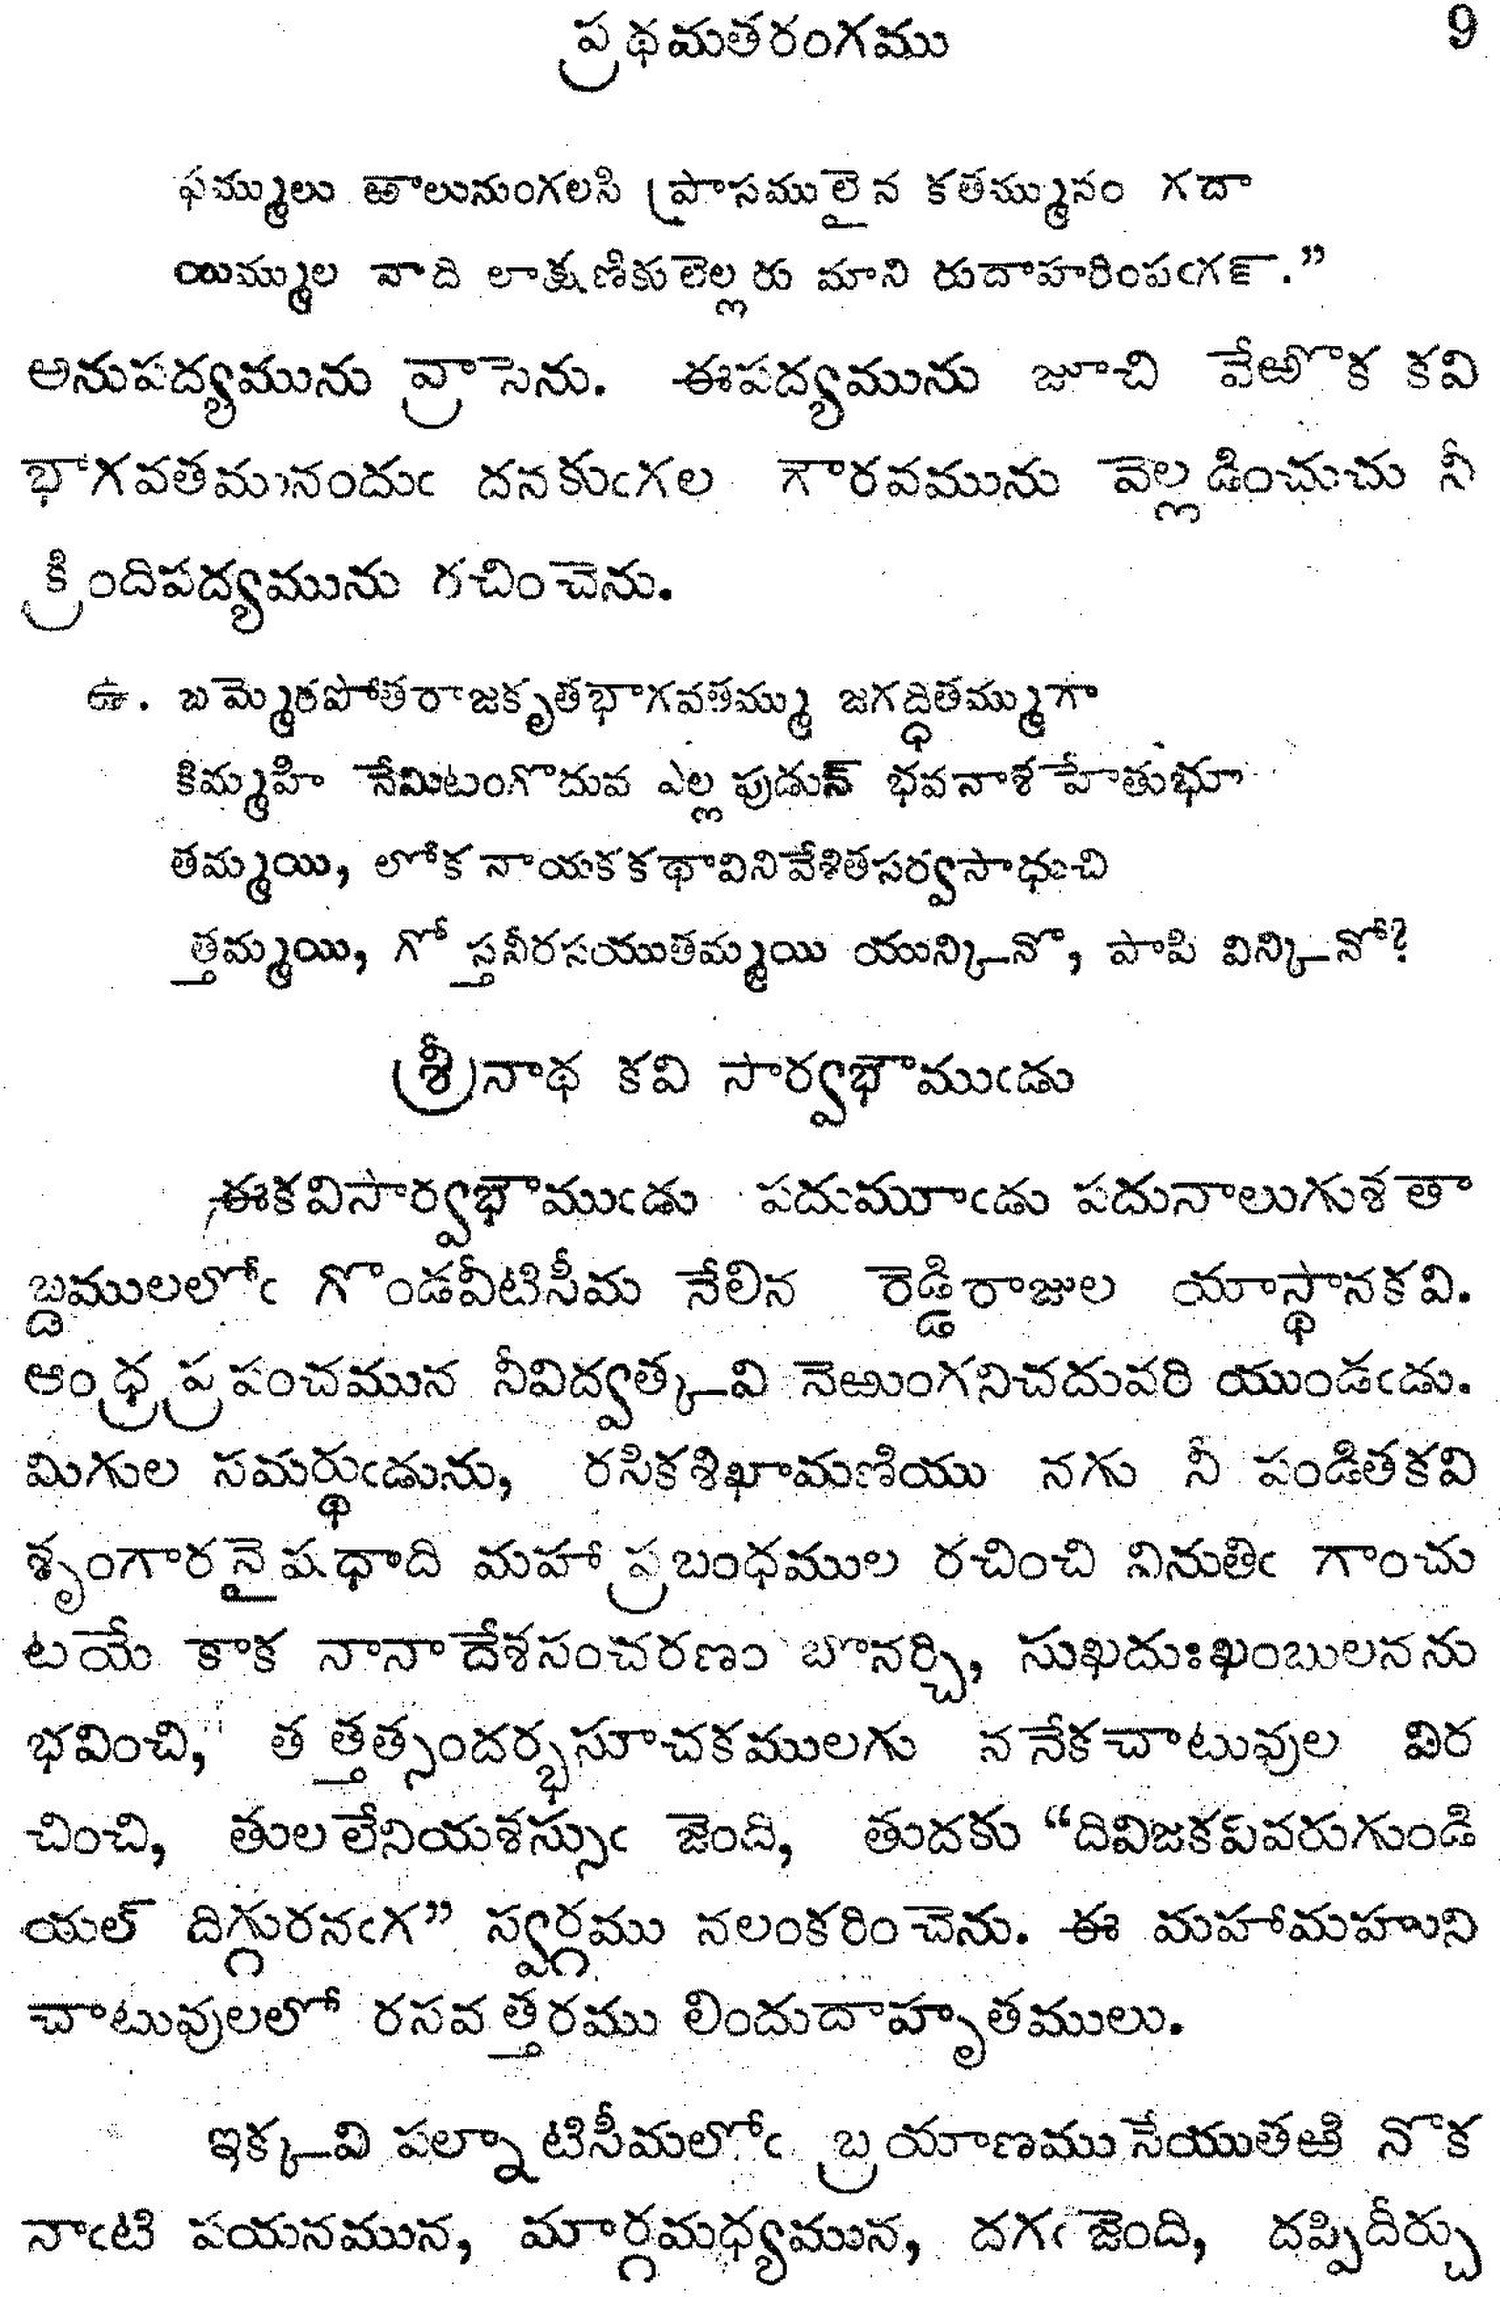ఫమ్ములు ఱాలునుంగలసి ప్రాసములైన కతమ్మునం గదా
 యిమ్ముల నాది లాక్షణికులెల్లరు మాని రుదాహరింపఁగన్.

అనుపద్యమును వ్రాసెను. ఈపద్యమును జూచి వేఱొక కవి భాగవతమునందుఁ దనకుఁగల గౌరవమును వెల్లడించుచు నీ క్రిందిపద్యమును రచించెను.

ఉ. బమ్మెరపోతరాజకృతభాగవతమ్ము జగద్ధితమ్ముగా
 కిమ్మహి నేమిటంగొదువ ఎల్లపుడున్ భవనాశహేతుభూ
 తమ్మయి, లోకనాయకకథావినివేశితసర్వసాధుచి
 త్తమ్మయి, గోస్తనీరసయుతమ్మయి యున్కినొ, పాపి విన్కినో?

ఈకవిసార్వభౌముఁడు పదుమూఁడు పదునాలుగుశతాబ్దములలోఁ గొండవీటిసీమ నేలిన రెడ్డిరాజుల యాస్థానకవి. ఆంధ్రప్రపంచమున నీవిద్వత్కవి నెఱుంగని చదువరి యుండఁడు. మిగుల సమర్థుఁడును, రసికశిఖామణియు నగు నీ పండితకవి శృంగారనైషధాది మహాప్రబంధముల రచించి వినుతి గాంచుటయే కాక నానాదేశసంచరణం బొనర్చి, సుఖదుఃఖంబుల ననుభవించి, తత్తత్సందర్భసూచకములగు ననేకచాటువుల విరచించి, తులలేనియశస్సుఁ జెంది, తుదకు “దివిజకవివరుగుండియల్ దిగ్గు రనఁగ” స్వర్గము నలంకరించెను. ఆమహామహుని చాటువులలో రసవత్తరము లిందుదాహృతములు.

ఇక్కడి పల్నాటిసీమలోఁ బ్రయాణముసేయుతరి నొకనాఁటి పయనమున, మార్గమధ్యమున, దగఁజెంది, దప్పిదీర్చు